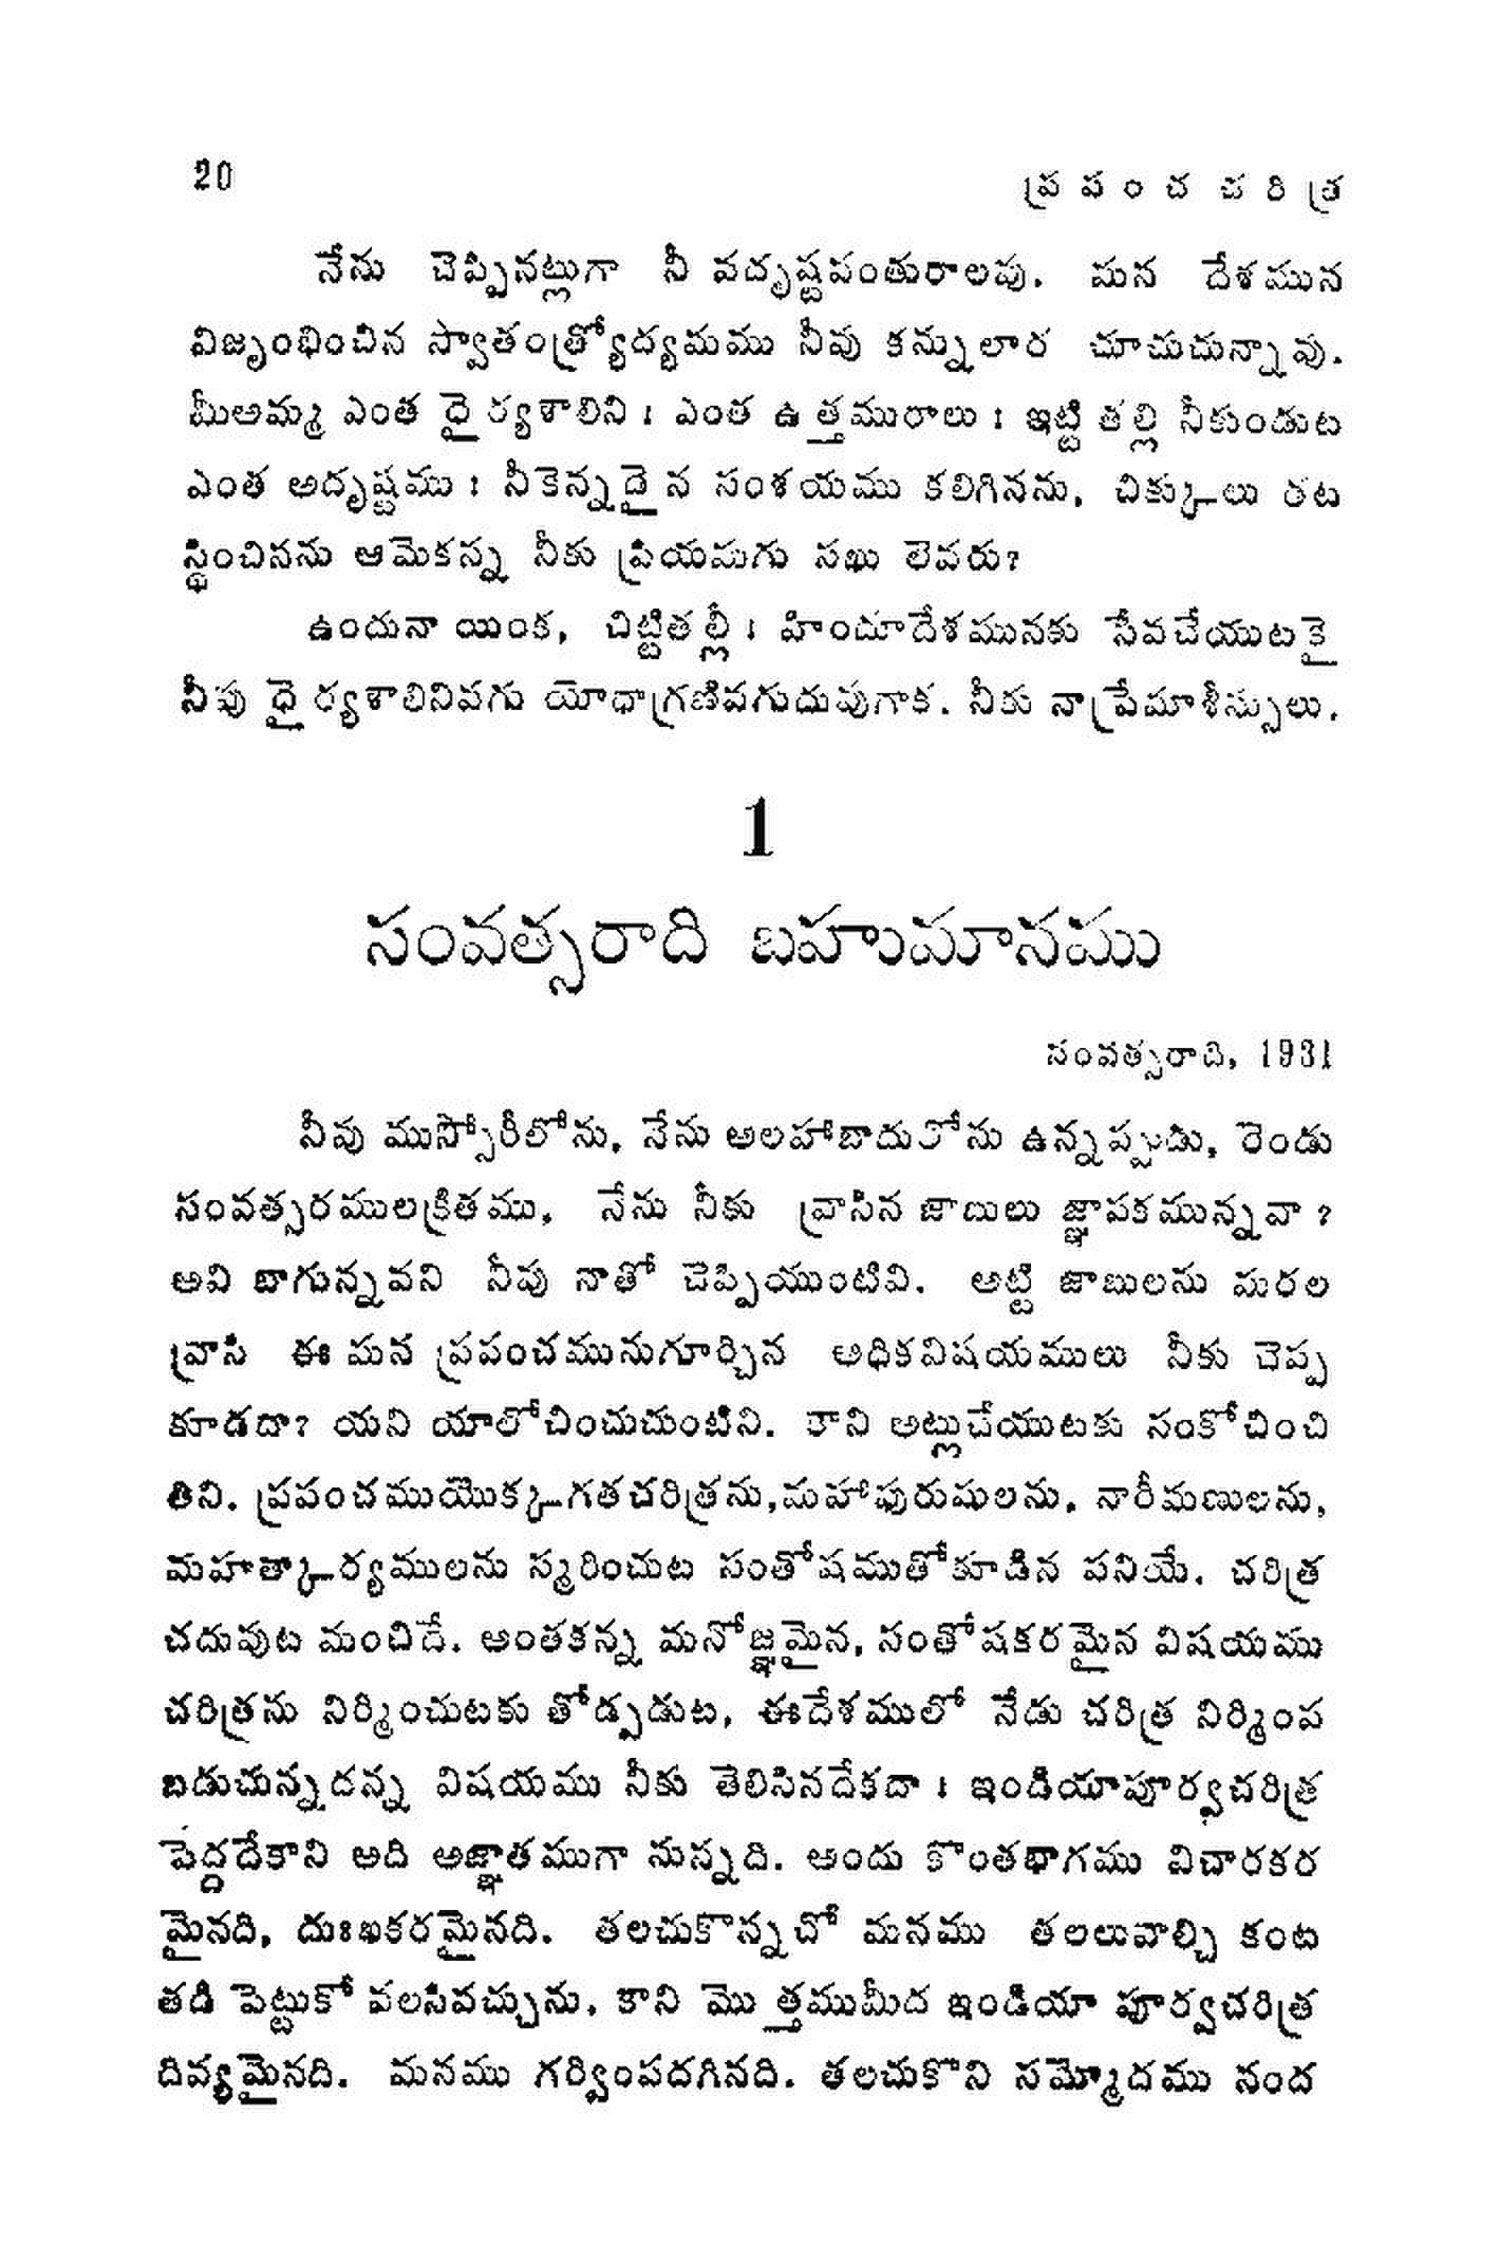నేను చెప్పినట్లుగా నీ వదృష్టవంతురాలవు. మన దేశమున విజృంభించిన స్వాతంత్ర్యోద్యమము నీవు కన్నులార చూచుచున్నావు . మీఅమ్మ ఎంత దైర్యశాలిని : ఎంత ఉత్తమురాలు 1 ఇట్టి తల్లి నీకుండుట ఎంత అదృష్టము ! నీ కెన్నడైన సంశయము కలిగినను, చిక్కులు తటస్థించినను ఆమెకన్న నీకు ప్రియమగు సఖు లెవరు?

ఉందునా యింక, చిట్టితల్లీ : హిందూదేశమునకు సేవ చేయుటకై నీపు ధైర్యశాలినివగు యోధాగ్రణివగుదువుగాక. నీకు నా ప్రేమాశీస్సులు .

1
సంవత్సరాది బహుమానము

నీవు ముస్సోరీలోను, నేను అలహాబాదులోను ఉన్నప్పుడు, రెండు సంవత్సరములక్రితము, నేను నీకు వ్రాసిన జాబులు జ్ఞాపకమున్నవా? అవి బాగున్నవని నీవు నాతో చెప్పియుంటివి. అట్టి జాబులను మరల వ్రాసి ఈ మన ప్రపంచమునుగూర్చిన అధికవిషయములు నీకు చెప్ప కూడదా? యని యాలోచించుచుంటిని. కాని అట్లుచేయుటకు సంకోచించి తిని. ప్రపంచముయొక్క గతచరిత్రను, మహాపురుషులను, నారీమణులను, మహత్కార్యములను స్మరించుట సంతోషముతోకూడిన పనియే. చరిత్ర చదువుట మంచిదే. అంతకన్న మనోజ్ఞమైన, సంతోషకరమైన విషయము చరిత్రను నిర్మించుటకు తోడ్పడుట, ఈదేశములో నేడు చరిత్ర నిర్మింప బడుచున్నదన్న విషయము నీకు తెలిసినదేకదా ! ఇండియాపూర్వచరిత్ర పెద్దదేకాని అది అజ్ఞాతముగా నున్నది. అందు కొంత భాగము విచారకరమైనది, దుఃఖకరమైనది. తలచుకొన్నచో మనము తలలువాల్చి కంటతడి పెట్టుకో వలసివచ్చును. కాని మొత్తముమీద ఇండియా పూర్వచరిత్ర దివ్యమైనది. మనము గర్వింపదగినది. తలచుకొని సమ్మోదము నంద